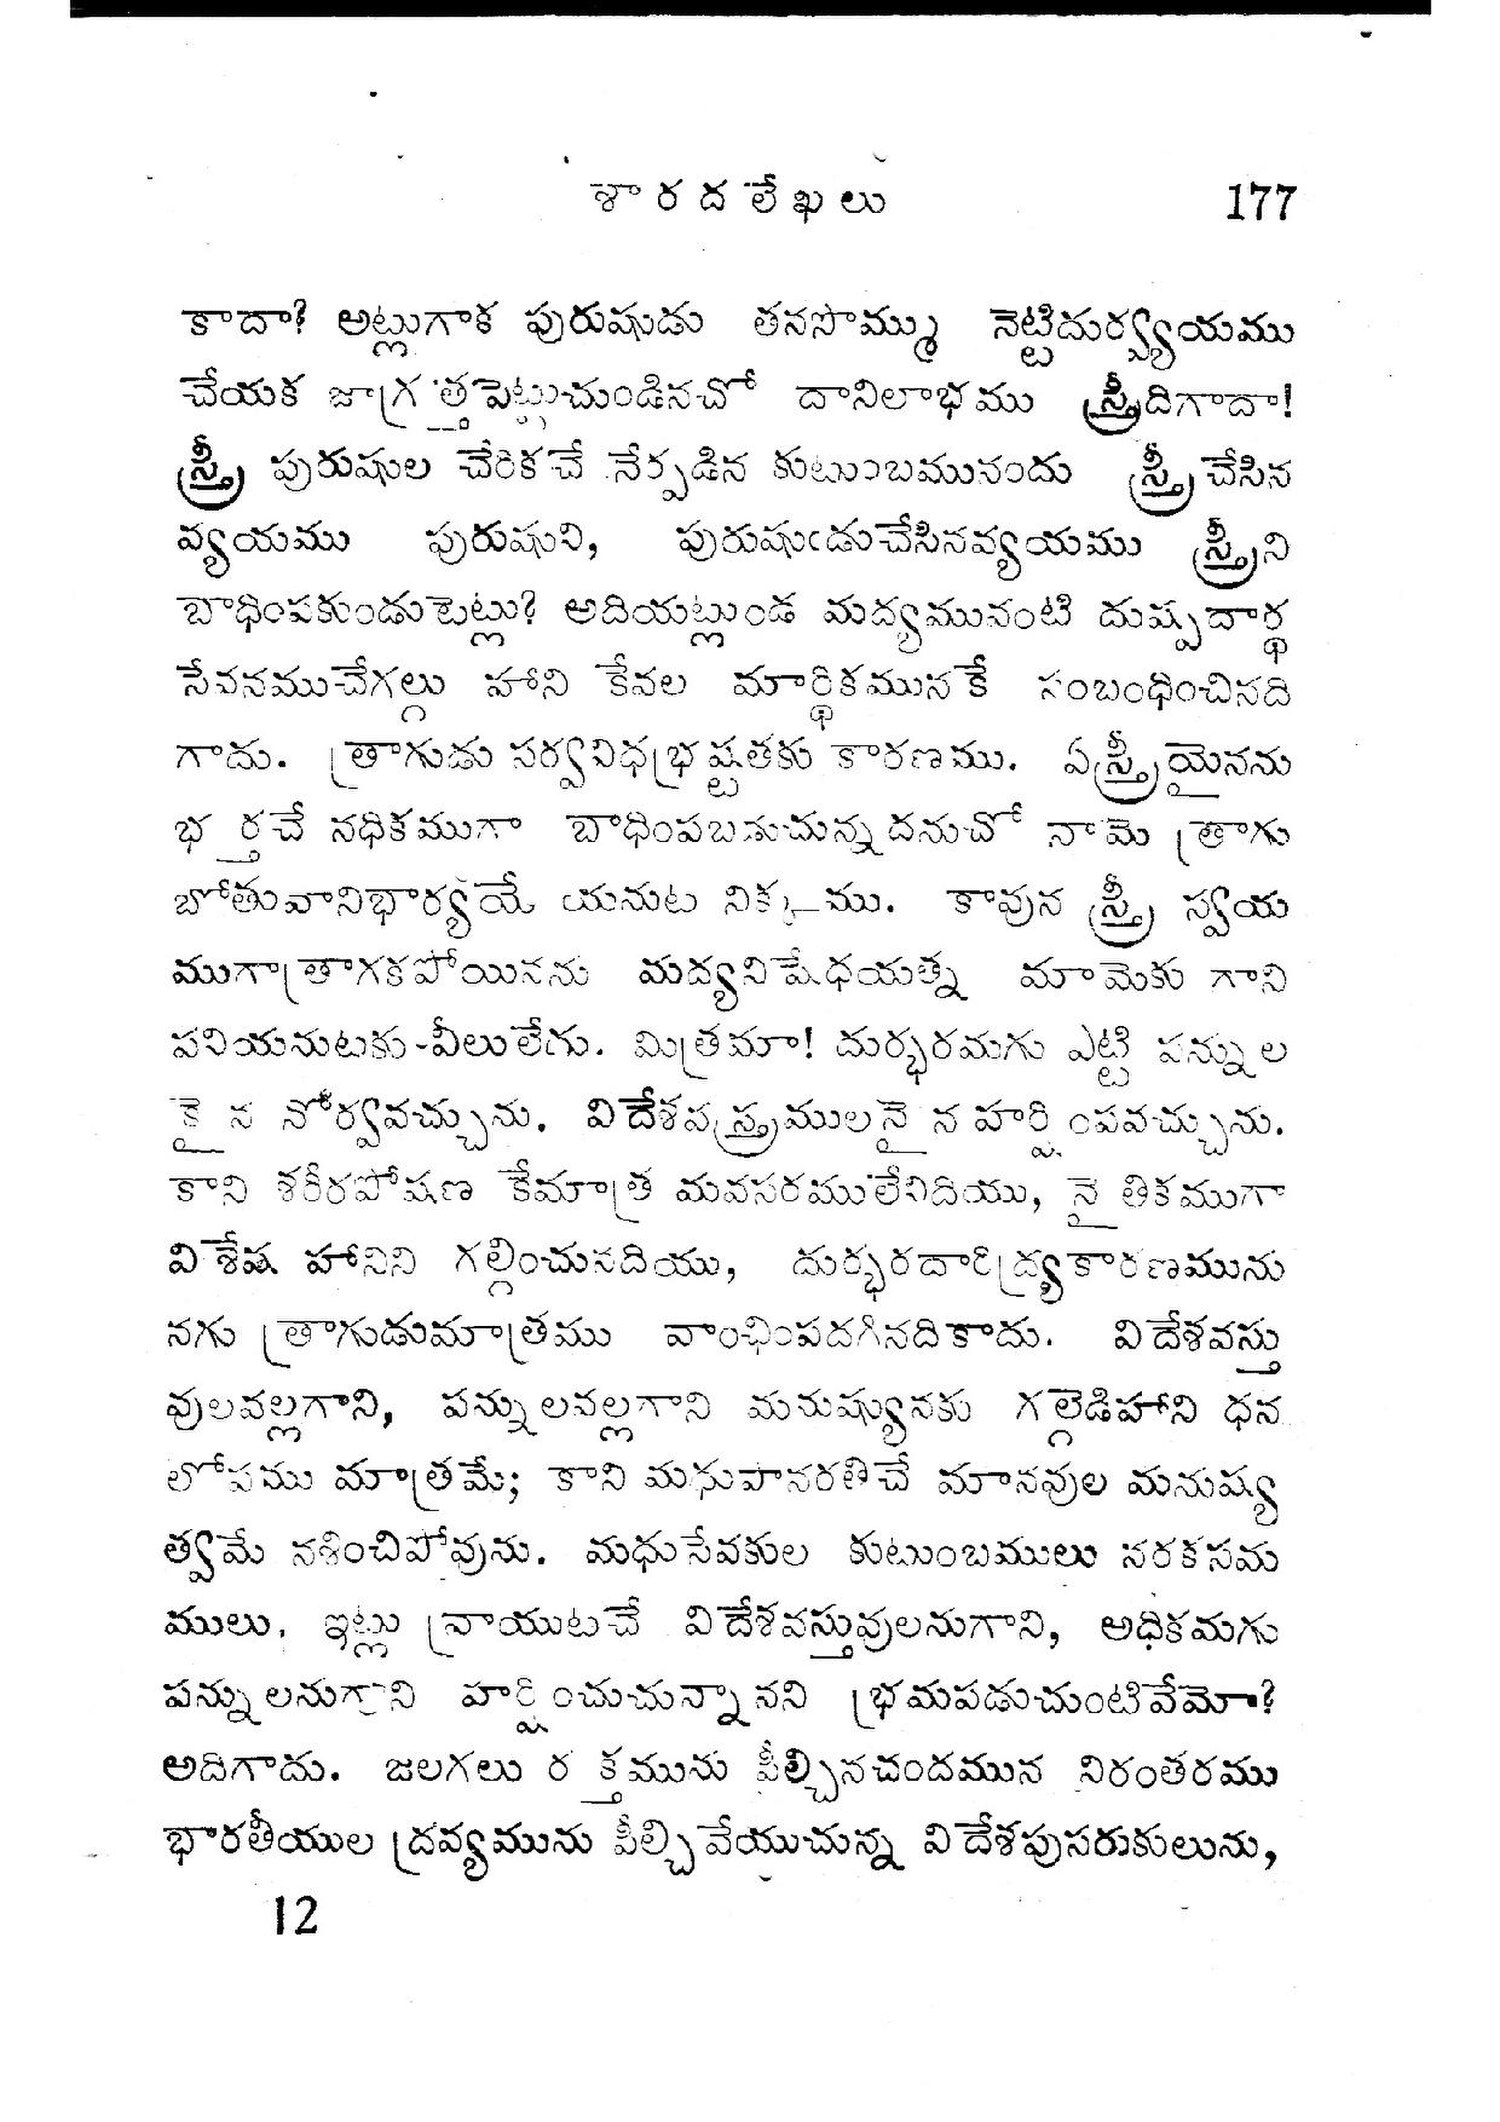కాదా? అట్లుగాక పురుషుడు తనసొమ్ము నెట్టిదుర్వ్యయము చేయక జాగ్రత్తపెట్టుచుండినచో దానిలాభము స్త్రీదిగాదా! స్త్రీ పురుషుల చేరికచే నేర్పడిన కుటుంబమునందు స్త్రీ చేసిన వ్యయము పురుషుని, పురుషుఁడుచేసినవ్యయము స్త్రీని బాధింపకుండుటెట్లు? అదియట్లుండ మద్యమువంటి దుష్పదార్థ
సేవనముచేగల్గు హాని కేవల మార్థికమునకే సంబంధించినది గాదు. త్రాగుడు సర్వవిధభ్రష్టతకు కారణము. ఏస్త్రీయైనను భర్తచే నధికముగా బాధింపబడుచున్నదనుచో నామె త్రాగుబోతువానిభార్యయే యనుట నిక్కము. కావున స్త్రీ స్వయముగా త్రాగకపోయినను మద్యనిషేధయత్న మామెకు గాని పనియనుటకు-వీలులేదు. మిత్రమా! దుర్భరమగు ఎట్టి పన్నులకైన నోర్వవచ్చును. విదేశవస్త్రములనైన హర్షింపవచ్చును. కాని శరీరపోషణ కేమాత్ర మవసరములేనిదియు, నైతికముగా విశేష హానిని గల్గించునదియు, దుర్భరదారిద్ర్య కారణమును నగు త్రాగుడుమాత్రము వాంఛింపదగినదికాదు. విదేశవస్తువులవల్లగాని, పన్నులవల్లగాని మనుష్యునకు గల్గెడిహాని ధనలోపము మాత్రమే; కాని మధుపానరతిచే మానవుల మనుష్యత్వమే నశించిపోవును. మధుసేవకుల కుటుంబములు నరకసమములు. ఇట్లు వ్రాయుటచే విదేశవస్తువులనుగాని, అధికమగు పన్నులనుగాని హర్షించుచున్నానని భ్రమపడుచుంటివేమో? అదిగాదు. జలగలు రక్తమును పీల్చినచందమున నిరంతరము భారతీయుల ద్రవ్యమును పీల్చివేయుచున్న విదేశపుసరుకులును,